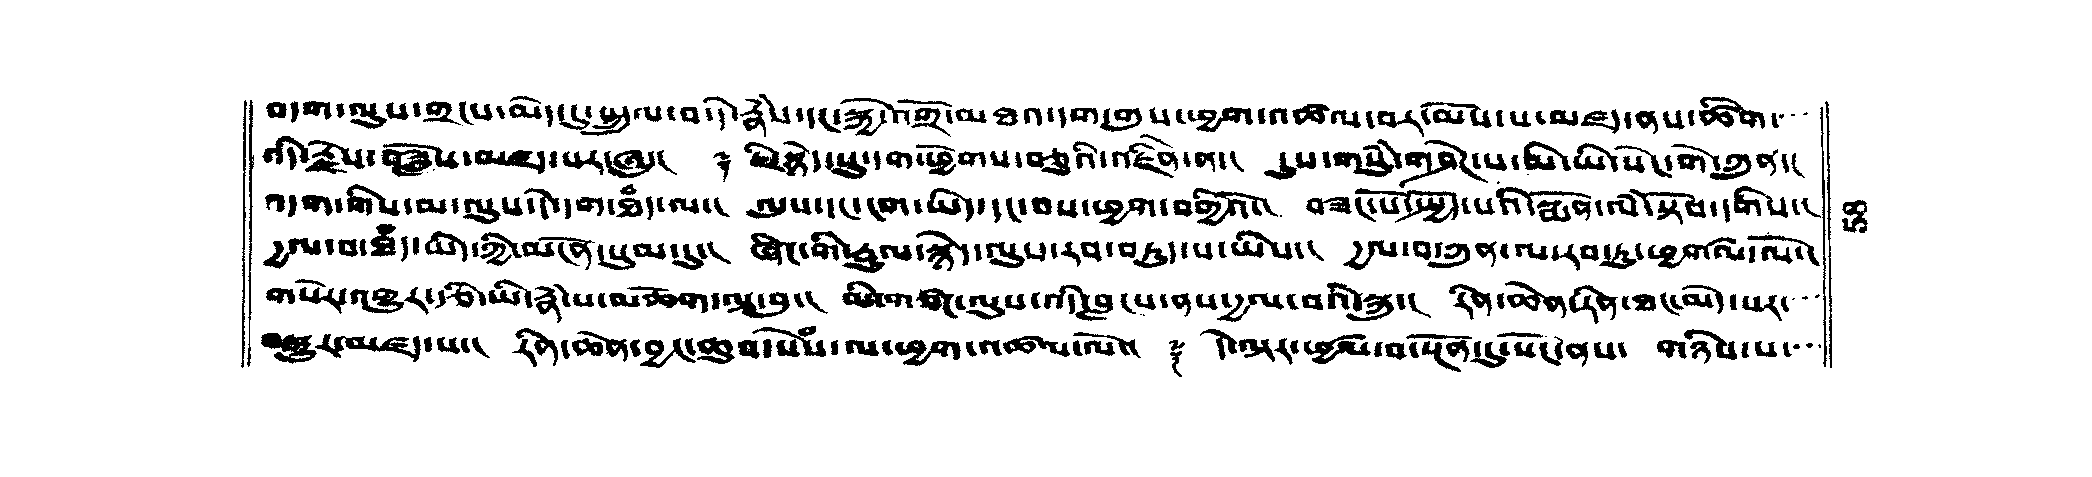བདག་ལུས་གྲངས་མེད་དུ་སྤྲུལ་བ་དེ་རྣམས་དང་སྐྱེ་འགྲོ་མཐའ་དག་གུས་ཕྱག་འཚལ་བར་མོས་པ་མཛད་ནས་ཚིག་
འདི་རྗེས་བཟློགས་མཛད་པར་ཞུ། ༈ ཇི་སྙེད་སུ་དག་ཕྱོགས་བཅུའི་འཇིག་རྟེན་ན། དུས་གསུམ་གཤེགས་པ་མི་ཡི་སེང་གི་ཀུན། 
བདག་གིས་མ་ལུས་དེ་དག་ཐམས་ཅད་ལ། ལུས་དང་ངག་ཡིད་དང་བས་ཕྱག་བགྱིའོ། བཞག་པོ་སྤྱོད་པའི་སྨོན་ལམ་སྟོབ་དག་གིས། 
རྒྱལ་བ་ཐམས་ཅད་ཡིད་ཀྱི་མངོན་སུམ་དུ། ཞིང་གི་རྡུལ་སྙེད་ལུས་རབ་བཏུད་པ་ཡིས། རྒྱལ་བ་ཀུན་ལ་རབ་ཏུ་ཕྱག་འཚལ་ལོ། 
གསེར་འགྱུར་རྩི་ཡི་རྣམ་པ་མཆོག་ལྟ་བུ། མིག་གཙང་ལུས་འདི་བླངས་ནས་རྒྱལ་བའི་སྐུ། རིན་ཆེན་རིན་ཐང་མེད་པར་
བསྒྱུར་མཛད་པ། རིན་ཆེན་བྱང་ཆུབ་སེམས་ལ་ཕྱག་འཚལ་ལོ། ༈ དེ་ལྟར་ཕྱག་འཚལ་བ་སྔོན་དུ་སོང་ནས། གཉིས་པ་